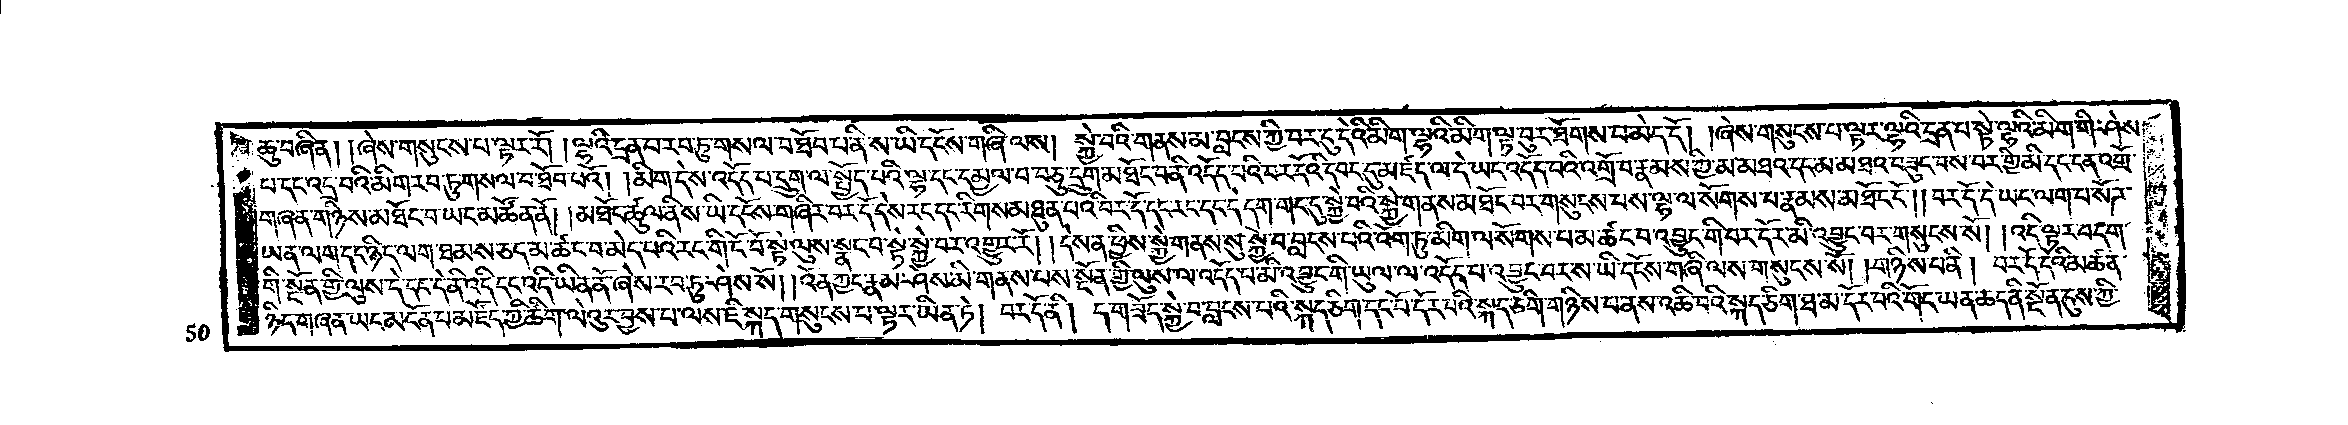ཆུ་བཞིན། །ཞེས་གསུངས་པ་ལྟར་རོ། །ལྷའི་དྲན་པ་རབ་ཏུ་གསལ་བ་ཐོབ་པ་ནི་ས་ཡི་དངོས་གཞི་ལས། སྐྱེ་བའི་གནས་མ་བླངས་ཀྱི་བར་དུ་དེའི་མིག་ལྷའི་མིག་ལྟ་བུར་ཐོགས་པ་མེད་དོ། །ཞེས་གསུངས་པ་ལྟར་ལྷའི་དྲན་པ་སྟེ་ལྷའི་མིག་གི་ཤེས་
པ་དང་འདྲ་བའི་མིག་རབ་ཏུ་གསལ་བ་ཐོབ་པའོ། །མིག་དེས་འདོད་པ་དྲུག་ལ་སྤྱོད་པའི་ལྷ་དང་དམྱལ་བ་བཅུ་དྲུག་མཐོང་བ་ནི་འདོད་པའི་བར་དོའི་དབང་དུ་མཛད་ལ་དེ་ཡང་འདོད་པའི་འགྲོ་བ་རྣམས་ཀྱི་ཡ་མཐའ་དང་མ་མཐའ་བཟུང་བས་བར་གྱི་མི་དང་ངན་འགྲོ་
གཞན་གཉིས་མཐོང་བ་ཡང་མཚོན་ནོ། །མཐོང་ཚུལ་ནི་ས་ཡི་དངོས་གཞིར་བར་དོ་དེས་རང་དང་རིགས་མཐུན་པའི་བར་དོ་དང་རང་དང་དེ་དག་གང་དུ་སྐྱེ་བའི་སྐྱེ་གནས་མཐོང་བར་གསུངས་པས་ལྷ་ལ་སོགས་པ་རྣམས་མཐོང་ངོ། །བར་དོ་དེ་ཡང་ལག་པ་སོགས་
ཡན་ལག་དང་ཉིང་ལག་ཐམས་ཅད་མ་ཚང་བ་མེད་པའི་རང་གི་ངོ་བོ་སྟེ་ལུས་སྣང་བ་སྟེ་སྐྱེ་བར་འགྱུར་རོ། །དེས་ན་ཕྱིས་སྐྱེ་གནས་སུ་སྐྱེ་བ་བླངས་པའི་འོག་ཏུ་མིག་ལ་སོགས་པ་མ་ཚང་བ་འབྱུང་གི་བར་དོར་མི་འབྱུང་བར་གསུངས་སོ། །འདི་ལྟར་བདག་
གི་སྔོན་གྱི་ལུས་དེ་དང་དེ་ནི་འདི་དང་འདི་ཡིན་ནོ་ཞེས་རབ་ཏུ་ཤེས་སོ། །འོན་ཀྱང་རྣམ་ཤེས་མི་གནས་པས་སྔོན་གྱི་ལུས་ལ་འདོད་པ་མི་འབྱུང་གི་ཡུལ་ལ་འདོད་པ་འབྱུང་བར་ས་ཡི་དངོས་གཞི་ལས་གསུངས་སོ། །གཉིས་པ་ནི། བར་དོ་དེའི་མཚན་
ཉིད་གཞན་ཡང་མངོན་པ་མཛོད་ཀྱི་ཚིག་ལེའུར་བྱས་པ་ལས་ཇི་སྐད་གསུངས་པ་ལྟར་ཡིན་ཏེ། བར་དོ་ནི། ད་གཟོད་སྐྱེ་བ་བླངས་པའི་སྐད་ཅིག་དང་པོ་དོར་བའི་སྐད་ཅིག་གཉིས་པ་ནས་འཆི་བའི་སྐད་ཅིག་ཐ་མ་དོར་བའི་གོང་ཡན་ཆད་ནི་སྔོན་དུས་ཀྱི་